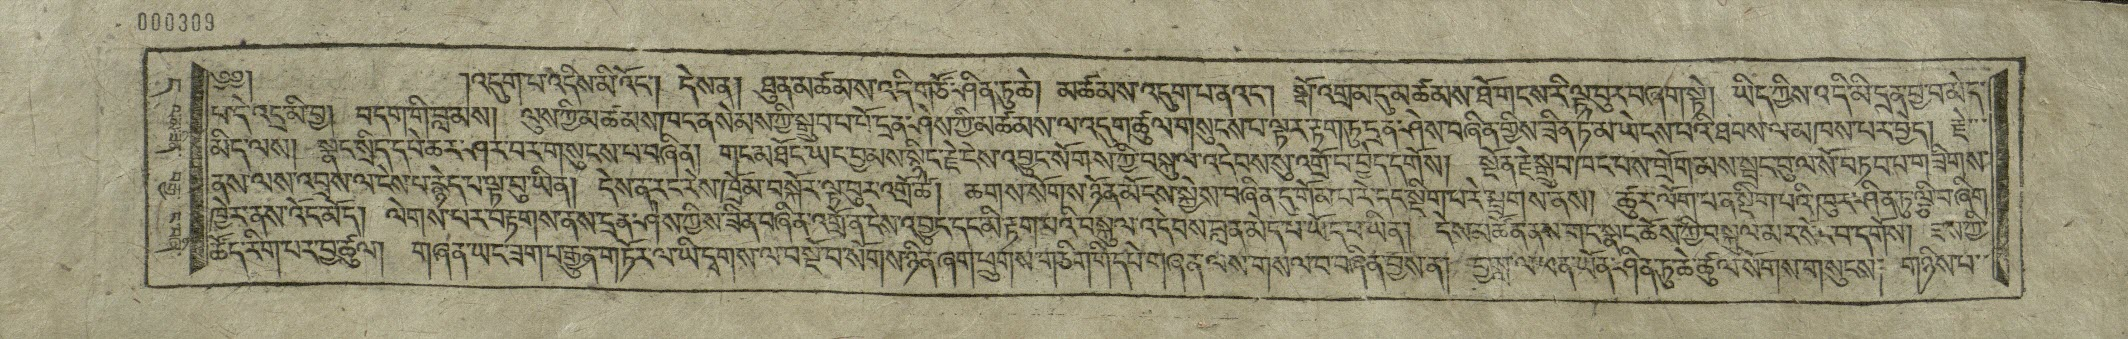༄༅། །འདུག་པ་འདིས་མི་འོང་། དེས་ན། ཐུན་མཚམས་འདི་གཙོ་ཤིན་ཏུ་ཆེ། མཚམས་འདུག་པ་ནའང་། སྒོ་འགྲམ་དུ་མཚམས་ཐོ་གངས་རི་ལྟ་བུར་བཞག་སྟེ། ཡིད་ཀྱིས་འདི་མི་དྲན་བྱ་བ་མེད་
པ་དེ་འདྲ་མི་བྱ། བདག་གི་བླ་མས། ལུས་ཀྱི་མཚམས་ཁང་ན་སེམས་ཀྱི་སྒྲུབ་པ་པོ་དྲན་ཤེས་ཀྱི་མཚམས་ལ་འདུག་ཚུལ་གསུངས་པ་ལྟར་རྟག་ཏུ་དྲན་ཤེས་བཞིན་གྱིས་ཟིན་ཏེ་མ་ཡེངས་པའི་ཐབས་ལ་མཁས་པར་བྱེད། རྗེ་
མིད་ལས། སྣང་སྲིད་དཔེ་ཆར་ཤར་བར་གསུངས་པ་བཞིན། གང་མཐོང་ཡང་བྱམས་སྙིང་རྗེ་ངེས་འབྱུང་སོགས་ཀྱི་བསྐུལ་འདེབས་སུ་འགྲོ་བ་བྱེད་དགོས། སྔོན་རྗེ་སྒྲུབ་ཁང་པས་གྲོག་མས་སྦྲང་བུ་ལ་སོ་བཏབ་པ་གཟིགས་
ནས་ལས་འབྲས་ལ་ངེས་པ་རྙེད་པ་ལྟ་བུ་ཡིན། དེས་ན་རང་རེས་ཁྲོམ་བསྐོར་ལྟ་བུར་འགྲོ་ཚེ། ཆགས་སོགས་ཉོན་མོངས་སྐྱེས་བཞིན་དུ་གོམ་པ་རེ་དང་སྡིག་པ་རེ་སྦྲགས་ནས། ཚུར་ལོག་པ་ན་སྡིག་པའི་ཁུར་ཤིན་ཏུ་ལྕི་བ་ཞིག་
ཁྱེར་ནས་འོང་མོད། ལེགས་པར་བརྟགས་ནས་དྲན་ཤེས་ཀྱིས་ཟིན་བཞིན་འགྲོ་ན་ངེས་འབྱུང་དང་མི་རྟག་པའི་བསྐུལ་འདེབས་བླ་ན་མེད་པ་ཡོད་པ་ཡིན། དེས་མཚོན་ནས་གང་སྣང་ཆོས་ཀྱི་བསྐུལ་མར་སོང་བ་དགོས། ཟས་ཀྱི་
ཚོད་རིག་པར་བྱ་ཚུལ། གཞན་ཡང་ཟག་པ་རྒྱུན་གཏོར་ལ་ཡི་དྭགས་ལ་བསྔོ་བ་སོགས་ཉིན་ཞག་ཕྲུགས་གཅིག་གི་དཔེ་གཞན་ལས་གསལ་བ་བཞིན་བྱས་ན། བྱ་སླ་ལ་ཕན་ཡོན་ཤིན་ཏུ་ཆེ་ཚུལ་སོགས་གསུངས། གཉིས་པ་